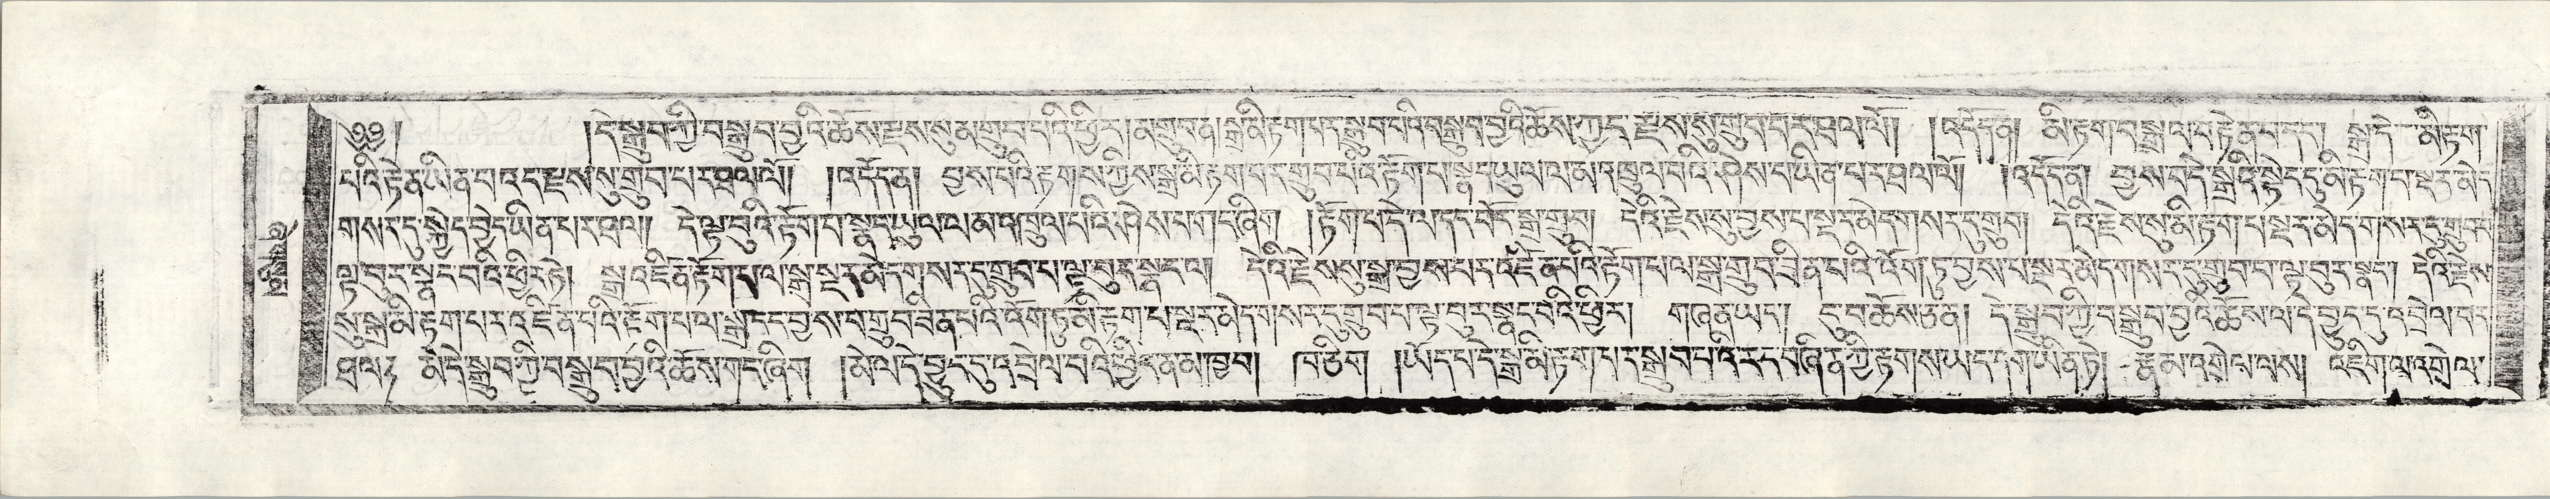༄༅། །དེ་སྒྲུབ་ཀྱི་བསྒྲུབ་བྱའི་ཆོས་རྫས་སུ་མ་གྲུབ་པའི་ཕྱིར། མ་གྲུབ་ན། སྒྲ་མི་རྟག་པར་སྒྲུབ་པའི་བསྒྲུབ་བྱའི་ཆོས་ཀྱང་རྫས་སུ་གྲུབ་པར་ཐལ་ལོ། །འདོད་ན། མི་རྟག་པ་སྒྲ་ལ་བརྟེན་པ་དང་། སྒྲ་དེ་མི་རྟག་
པའི་རྟེན་ཡིན་པའང་རྫས་སུ་གྲུབ་པར་ཐལ་ལོ། །འདོད་ན། བྱས་པའི་རྟགས་ཀྱིས་སྒྲ་མི་རྟག་པར་གྲུབ་པའི་རྟོག་པ་སྣང་ཡུལ་ལ་མ་འཁྲུལ་པའི་ཤེས་པ་ཡིན་པར་ཐལ་ལོ། །འདོད་ན། བྱས་པ་དེ་སྒྲའི་སྟེང་དུ་མི་རྟག་པ་སྔར་མེད་
གསར་དུ་སྐྱེད་བྱེད་ཡིན་པར་ཐལ། དེ་ལྟ་བུའི་རྟོག་པ་སྣང་ཡུལ་ལ་མ་འཁྲུལ་པའི་ཤེས་པ་གང་ཞིག །རྟོག་པ་དེ་ལ་དང་བོར་སྒྲ་གྲུབ། དེའི་རྗེས་སུ་བྱས་པ་སྔར་མེད་གསར་དུ་གྲུབ། དེའི་རྗེས་སུ་མི་རྟག་པ་སྔར་མེད་གསར་དུ་གྲུབ་པ་
ལྟ་བུར་སྣང་བའི་ཕྱིར་ཏེ། སྒྲ་འཛིན་རྟོག་པ་ལ་སྒྲ་སྔར་མེད་གསར་དུ་གྲུབ་པ་ལྟ་བུར་སྣང་ལ། དེའི་རྗེས་སུ་སྒྲ་བྱས་པར་འཛིན་པའི་རྟོག་པ་ལ་སྒྲ་གྲུབ་ཟིན་པའི་འོག་ཏུ་བྱས་པ་སྔར་མེད་གསར་དུ་གྲུབ་པ་ལྟ་བུར་སྣང་། དེའི་རྗེས་
སུ་སྒྲ་མི་རྟག་པར་འཛིན་པའི་རྟོག་པ་ལ་སྒྲ་དང་བྱས་པ་གྲུབ་ཟིན་པའི་འོག་ཏུ་མི་རྟག་པ་སྔར་མེད་གསར་དུ་གྲུབ་པ་ལྟ་བུར་སྣང་བའི་ཕྱིར། གཞན་ཡང་། དུ་བ་ཆོས་ཅན། དེ་སྒྲུབ་ཀྱི་བསྒྲུབ་བྱའི་ཆོས་ལ་དེ་བྱུང་དུ་འབྲེལ་བར་
ཐལ༑ མེ་དེ་སྒྲུབ་ཀྱི་བསྒྲུབ་བྱའི་ཆོས་གང་ཞིག །མེ་ལ་དེ་བྱུང་དུ་འབྲེལ་བའི་ཕྱིར་ན་མ་ཁྱབ། ཁ་ཅིག །ཡོད་པ་དེ་སྒྲ་མི་རྟག་པར་སྒྲུབ་པའི་རང་བཞིན་ཀྱི་རྟགས་ཡང་དག་ཡིན་ཏེ། རྣམ་འགྲེལ་ལས། འཇིག་ལ་འགྲེལ་